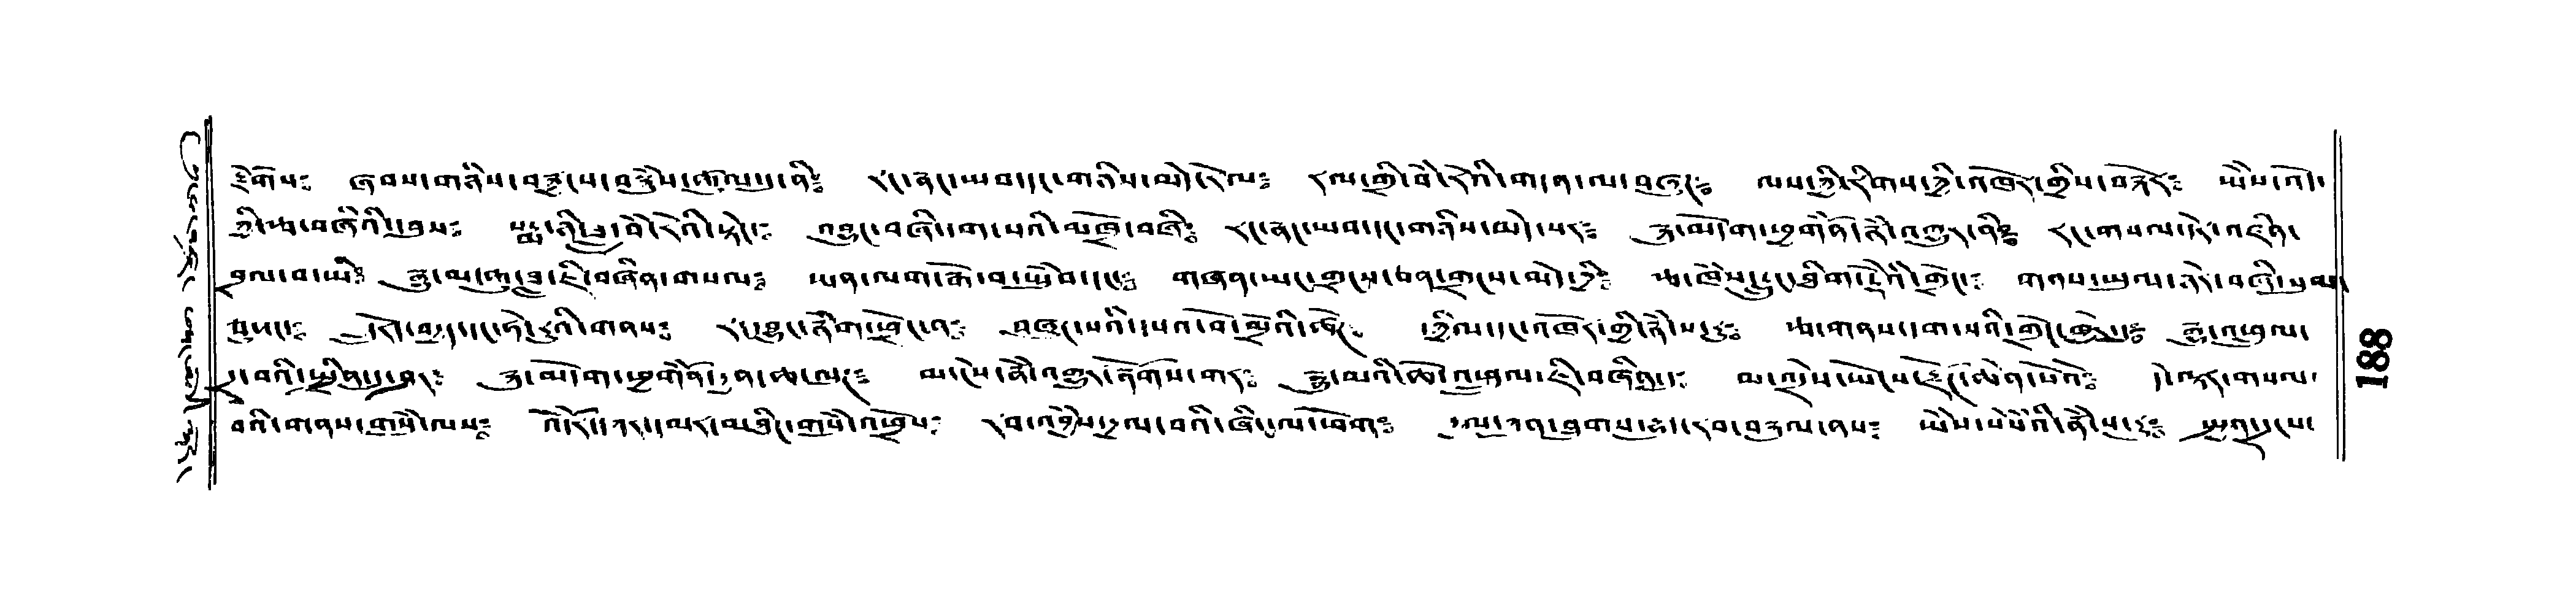རྫོགས༔ ཞབས་གཉིས་བརྐྱང་བསྐུམ་ཚུལ་དུ་ནི༔ རང་སྣང་ཡབ་དང་གཉིས་མེད་རོལ༔ རལ་གྲི་བམ་རོའི་གདན་ལ་བཞུགས༔ ལས་ཀྱི་རིགས་ཀྱི་འཁོར་གྱིས་བསྐོར༔ ཡེ་ཤེས་འོད་
ཀྱི་རྩ་བཞིའི་དབུས༔ པདྨ་ཉི་ཟླ་བམ་རོའི་སྟེང༔ འབྱུང་བཞི་དག་པའི་མཁའ་འགྲོ་བཞི༔ རང་སྣང་ཡབ་དང་གཉིས་མེད་པར༔ སྐུ་མདོག་ཕྱག་མཚན་རྣམ་འགྱུར་ནི༔ རང་གསལ་དེར་འཛིན་
བྲལ་བ་ཡི༔ སྒྱུ་མ་ཆུ་ཟླ་ཇི་བཞིན་གསལ༔ ཡན་ལག་སྒོ་བ་ཡབ་ཡུམ་དང༔ གཞན་ཡང་གྲངས་ཅན་གྲངས་མེད་ཀྱི༔ རྩ་ཁམས་རླུང་ཐིག་རྡོ་རྗེའི་གྲོང༔ གནས་ཡུལ་ཉེར་བཞི་སུམ་
ཅུ་དང༔ དུར་ཁྲོད་བརྒྱད་དང་ཧེ་རུའི་གནས༔ རང་བྱུང་རྣམ་དག་ཕོ་བྲང་ན༔ བཞུགས་པའི་དཔའ་བོ་མཁའ་འགྲོའི་ཚོགས༔ དཀྱིལ་དང་འཁོར་གྱི་རྣམ་པ་རུ༔ རྩ་གནས་དག་པའི་གྲོང་ཁྱེར་དུ༔ སྒྱུ་འཕྲུལ་
དྲྭ་བའི་སྤྲིན་དུ་ཤར༔ སྐུ་མདོག་ཕྱག་མཚན་རྒྱན་ཆ་ལུགས༔ མ་ངེས་རྣམ་འགྱུར་སྣ་ཚོགས་གར༔ སྒྱུ་མའི་ཆོ་འཕྲུལ་ཇི་བཞིན་དུ༔མ་འདྲེས་ཡོངས་རྫོགས་ཆེན་པོའོ༔ དེ་ལྟར་གསལ་
བའི་གནས་གསུམ་ལས༔ འོད་ཟེར་དཀར་དམར་མཐིང་གསུམ་འཕྲོས༔ རབ་འབྱམས་རྒྱལ་བའི་ཞིང་ལ་ཕོག༔ རྒྱལ་ཀུན་ཐུགས་རྒྱུད་རབ་བསྐུལ་ནས༔ ཡེ་ཤེས་སེམས་དཔའི་རྣམ་པ་རུ༔ སྤྱན་དྲངས་